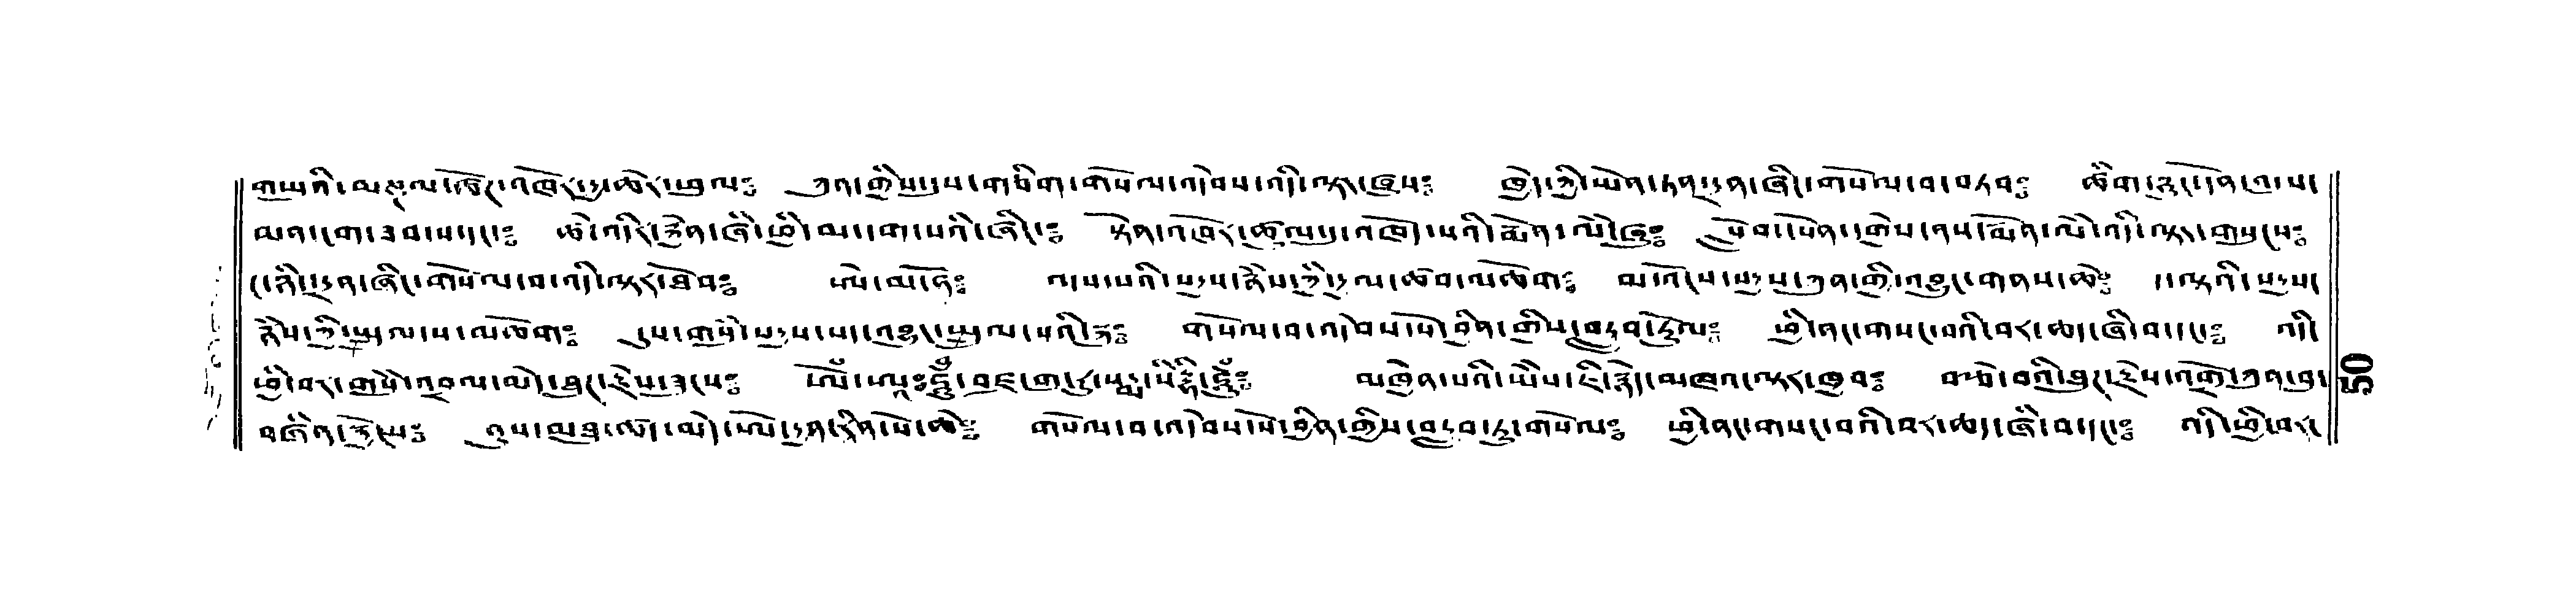གཡུའི་མཎྜལ་ཚོགས་འཁོར་རྒྱ་ཆེར་ཕུལ༔ ཀུན་གྱིས་དུས་གཅིག་གསོལ་འདེབས་འདི་ལྟར་ཞུས༔ ཁྱེད་ཀྱི་ཡོན་ཏན་དྲན་ཞིང་གསོལ་བ་བཏབ༔ ཚིག་ཉུང་དོན་འདུས་
མན་ངག་ཟབ་པ་དང༔ ཚེ་འདིར་རྐྱེན་ཞི་ཕྱི་མ་དག་པའི་ཞིང༔ སྟོན་འཁོར་ཚུལ་དུ་འཁོད་པའི་སྨོན་ལམ་ཞུ༔ སློབ་དཔོན་དགྱེས་ནས་སྨོན་ལམ་འདི་ལྟར་གསུངས༔ 
ང་ཉིད་དྲན་ཞིང་གསོལ་བ་འདི་ལྟར་ཐོབ༔ ཨེ་མ་ཧོ༔ འདས་པའི་སངས་རྒྱས་རྣམས་ཀྱི་རྒྱལ་ཚབ་མཆོག༔ མ་འོངས་སངས་རྒྱས་ཀུན་གྱི་འབྱུང་གནས་ཆེ༔ ད་ལྟའི་སངས་རྒྱས་
རྣམས་ཀྱི་སྤྲུལ་པ་མཆོག༔ དུས་གསུམ་སངས་རྒྱས་པད་འབྱུང་སྤྲུལ་པའི་སྐུ༔ གསོལ་བ་འདེབས་སོ་བྱིན་གྱིས་བརླབ་ཏུ་གསོལ༔ ཕྱི་ནང་གསང་བའི་བར་ཆད་ཞི་བ་དང༔ འདི་
ཕྱི་བར་གསུམ་འབྲལ་མེད་ཐུགས་རྗེས་ཟུངས༔ ཨོཾ་ཨཱཿཧཱུྃ་བཛྲ་གུ་རུ་པདྨ་སིདྡྷི་ཧཱུྃ༔ མཁྱེན་པའི་ཡེ་ཤེས་ཇི་སྙེད་མཁའ་ལྟར་ཁྱབ༔ བརྩེ་བའི་ཐུགས་རྗེས་འགྲོ་ཀུན་བུ་
བཞིན་སྐྱོངས༔ ནུས་མཐུ་ཚད་མེད་ཨོ་རྒྱན་རིན་པོ་ཆེ༔ གསོལ་བ་འདེབས་སོ་བྱིན་གྱིས་བརླབ་ཏུ་གསོལ༔ཕྱི་ནང་གསང་བའི་བར་ཆད་ཞི་བ་དང༔ འདི་ཕྱི་བར་